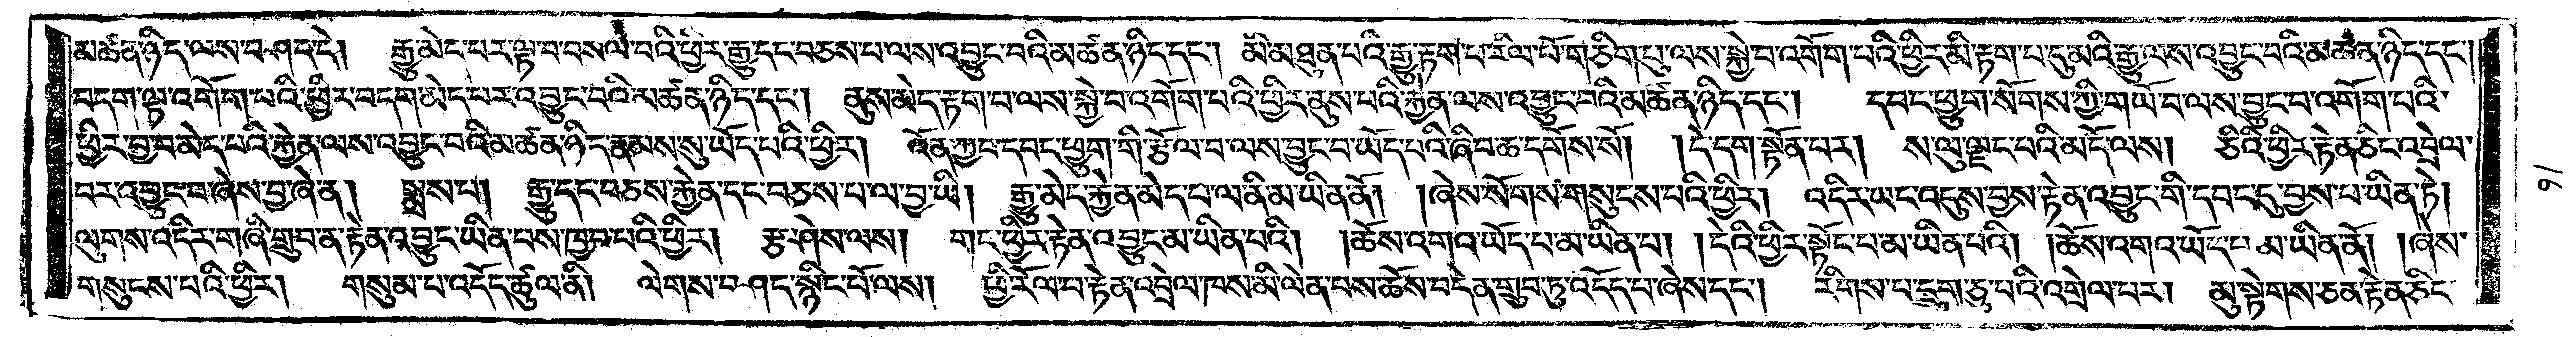མཚན་ཉིད་ལྔས་བཤད་དོ། རྒྱུ་མེད་པར་ལྟ་བ་བསལ་བའི་ཕྱིར་རྒྱུ་དང་བཅས་པ་ལས་འབྱུང་བའི་མཚན་ཉིད་དང་། མི་མཐུན་པའི་རྒྱུ་རྟག་པ་རིལ་པོ་གཅིག་བུ་ལས་སྐྱེ་བ་འགོག་པའི་ཕྱིར་མི་རྟག་པ་དུ་མའི་རྒྱུ་ལས་འབྱུང་བའི་མཚན་ཉིད་དང་།
བདག་ལྟ་འགོག་པའི་ཕྱིར་བདག་མེད་པར་འབྱུང་བའི་མཚན་ཉིད་དང་། ནུས་མེད་རྟག་པ་ལས་སྐྱེ་བ་འགོག་པའི་ཕྱིར་ནུས་པའི་རྐྱེན་ལས་འབྱུང་བའི་མཚན་ཉིད་དང་། དབང་ཕྱུག་སོགས་ཀྱི་གཡོ་བ་ལས་བྱུང་བ་འགོག་པའི་
ཕྱིར་བྱ་བ་མེད་པའི་རྐྱེན་ལས་འབྱུང་བའི་མཚན་ཉིད་རྣམས་སུ་ཡོད་པའི་ཕྱིར། འོན་ཀྱང་དབང་ཕྱུག་གི་རྩོལ་བ་ལས་བྱུང་བ་ཡོད་པའི་ཞིབ་ཆ་དགོས་སོ། །དེ་དག་སྟོན་པར། ས་ལུ་ལྗང་པའི་མདོ་ལས། ཅིའི་ཕྱིར་རྟེན་ཅིང་འབྲེལ་
བར་འབྱུང་བ་ཞེས་བྱ་ཞེ་ན། སྨྲས་པ། རྒྱུ་དང་བཅས་རྐྱེན་དང་བཅས་པ་ལ་བྱ་ཡི། རྒྱུ་མེད་རྐྱེན་མེད་པ་ལ་ནི་མ་ཡིན་ནོ། །ཞེས་སོགས་གསུངས་པའི་ཕྱིར། འདིར་ཡང་འདུས་བྱས་རྟེན་འབྱུང་གི་དབང་དུ་བྱས་པ་ཡིན་ཏེ།
ལུགས་འདིར་གཞི་གྲུབ་ན་རྟེན་འབྱུང་ཡིན་པས་ཁྱབ་པའི་ཕྱིར། རྩ་ཤེས་ལས། གང་ཕྱིར་རྟེན་འབྱུང་མ་ཡིན་པའི། །ཆོས་འགའ་ཡོད་པ་མ་ཡིན་པ། །དེའི་ཕྱིར་སྟོང་པ་མ་ཡིན་པའི། །ཆོས་འགའ་ཡོད་པ་མ་ཡིན་ནོ། །ཞེས་
གསུངས་པའི་ཕྱིར། གསུམ་པ་འདོད་ཚུལ་ནི། ལེགས་བཤད་སྙིང་པོ་ལས། ཕྱི་རོལ་པ་རྟེན་འབྲེལ་ཁས་མི་ལེན་པས་ཆོས་བདེན་གྲུབ་ཏུ་འདོད་པ་ཞེས་དང་། རིགས་བ་དྲུག་ཅུ་བའི་འགྲེལ་པར། མུ་སྟེགས་ཅན་རྟེན་ཅིང་